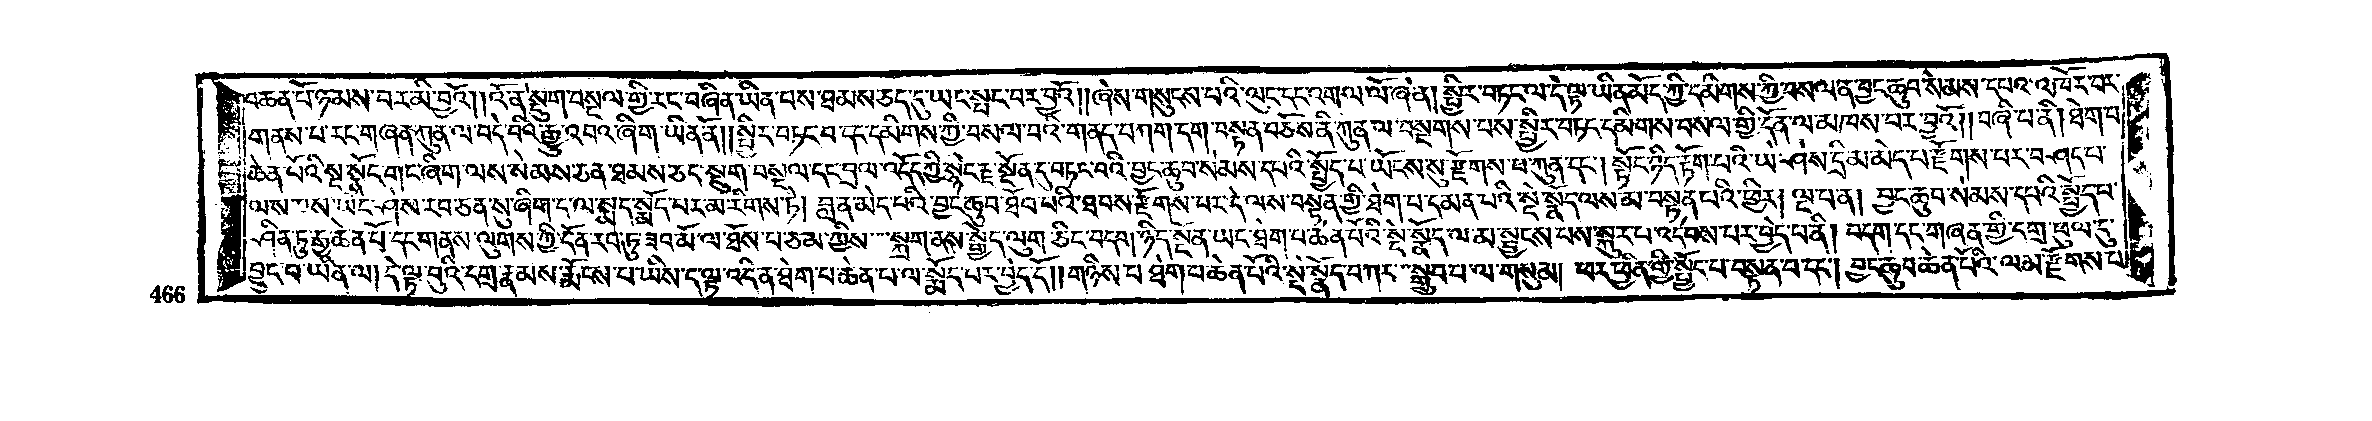པ་ཆེན་པོ་ཉམས་པར་མི་བྱའོ། །འོ་ན་སྡུག་བསྔལ་གྱི་རང་བཞིན་ཡིན་པས་ཐམས་ཅད་དུ་ཡང་སྤང་བར་བྱའོ། །ཞེས་གསུངས་པའི་ལུང་དང་འགལ་ལོ་ཞེ་ན། སྤྱིར་བཏང་ལ་དེ་ལྟ་ཡིན་མོད་ཀྱི་དམིགས་ཀྱི་བསལ་ན་བྱང་ཆུབ་སེམས་དཔའ་འཁོར་བར་
གནས་པ་རང་གཞན་ཀུན་ལ་བདེ་བའི་རྒྱུ་འབའ་ཞིག་ཡིན་ནོ། །སྤྱིར་བཏང་བ་དང་དམིགས་ཀྱི་བསལ་བའི་གནད་བཀག་དག་བསྟན་བཅོས་ནི་ཀུན་ལ་བསྔགས་པས་སྤྱིར་བཏང་དམིགས་བསལ་གྱི་དོན་ལ་མཁས་པར་བྱའོ། །བཞི་པ་ནི། ཐེག་པ་
ཆེན་པོའི་སྡེ་སྣོད་གང་ཞིག་ལས་སེམས་ཅན་ཐམས་ཅད་སྡུག་བསྔལ་དང་བྲལ་འདོད་ཀྱི་སྙིང་རྗེ་སྔོན་དུ་བཏང་བའི་བྱང་ཆུབ་སེམས་དཔའི་སྤྱོད་པ་ཡོངས་སུ་རྫོགས་པ་ཀུན་དང་། སྟོང་ཉིད་རྟོག་པའི་ཡེ་ཤེས་དྲི་མ་མེད་པ་རྫོགས་པར་བཤད་པ་
ལས་པས?་ཡང་ཤེས་རབ་ཅན་སུ་ཞིག་ང་ལ་སྨད་སྨོད་པར་མ་རིགས་ཏེ། བླ་ན་མེད་པའི་བྱང་ཆུབ་ཐོབ་པའི་ཐབས་རྫོགས་པར་དེ་ལས་བསྟན་གྱི་ཐེག་པ་དམན་པའི་སྡེ་སྣོད་ལས་མ་བསྟན་པའི་ཕྱིར། ལྔ་པ་ནི། བྱང་ཆུབ་སེམས་དཔའི་སྤྱོད་པ་
ཤིན་ཏུ་རྒྱ་ཆེན་པོ་དང་གནས་ལུགས་ཀྱི་དོན་རབ་ཏུ་ཟབ་མོ་ལ་ཐོས་པ་ཙམ་གྱིས་སྐྲག་ནས་སྒྱིད་ལུག་ཅིང་བདག་ཉིད་སྔོན་ཡང་ཐེག་པ་ཆེན་པོའི་སྡེ་སྣོད་ལ་མ་སྦྱངས་པས་སྐུར་བ་འདེབས་པར་བྱེད་པ་ནི། བདག་དང་གཞན་གྱི་དགྲ་ཕུལ་དུ་
བྱུང་བ་ཡིན་ལ། དེ་ལྟ་བུའི་དགྲ་རྣམས་རྨོངས་པ་ཡིས་ད་ལྟ་འདི་ན་ཐེག་པ་ཆེན་པ་ལ་སྨོད་པར་བྱེད་དོ། །གཉིས་པ་ཐེག་པ་ཆེན་པོའི་སྡེ་སྣོད་བཀར་སྒྲུབ་པ་ལ་གསུམ། ཕར་ཕྱིན་གྱི་སྤྱོད་པ་བསྟན་པ་དང་། བྱང་ཆུབ་ཆེན་པོའི་ལམ་རྫོགས་པ་